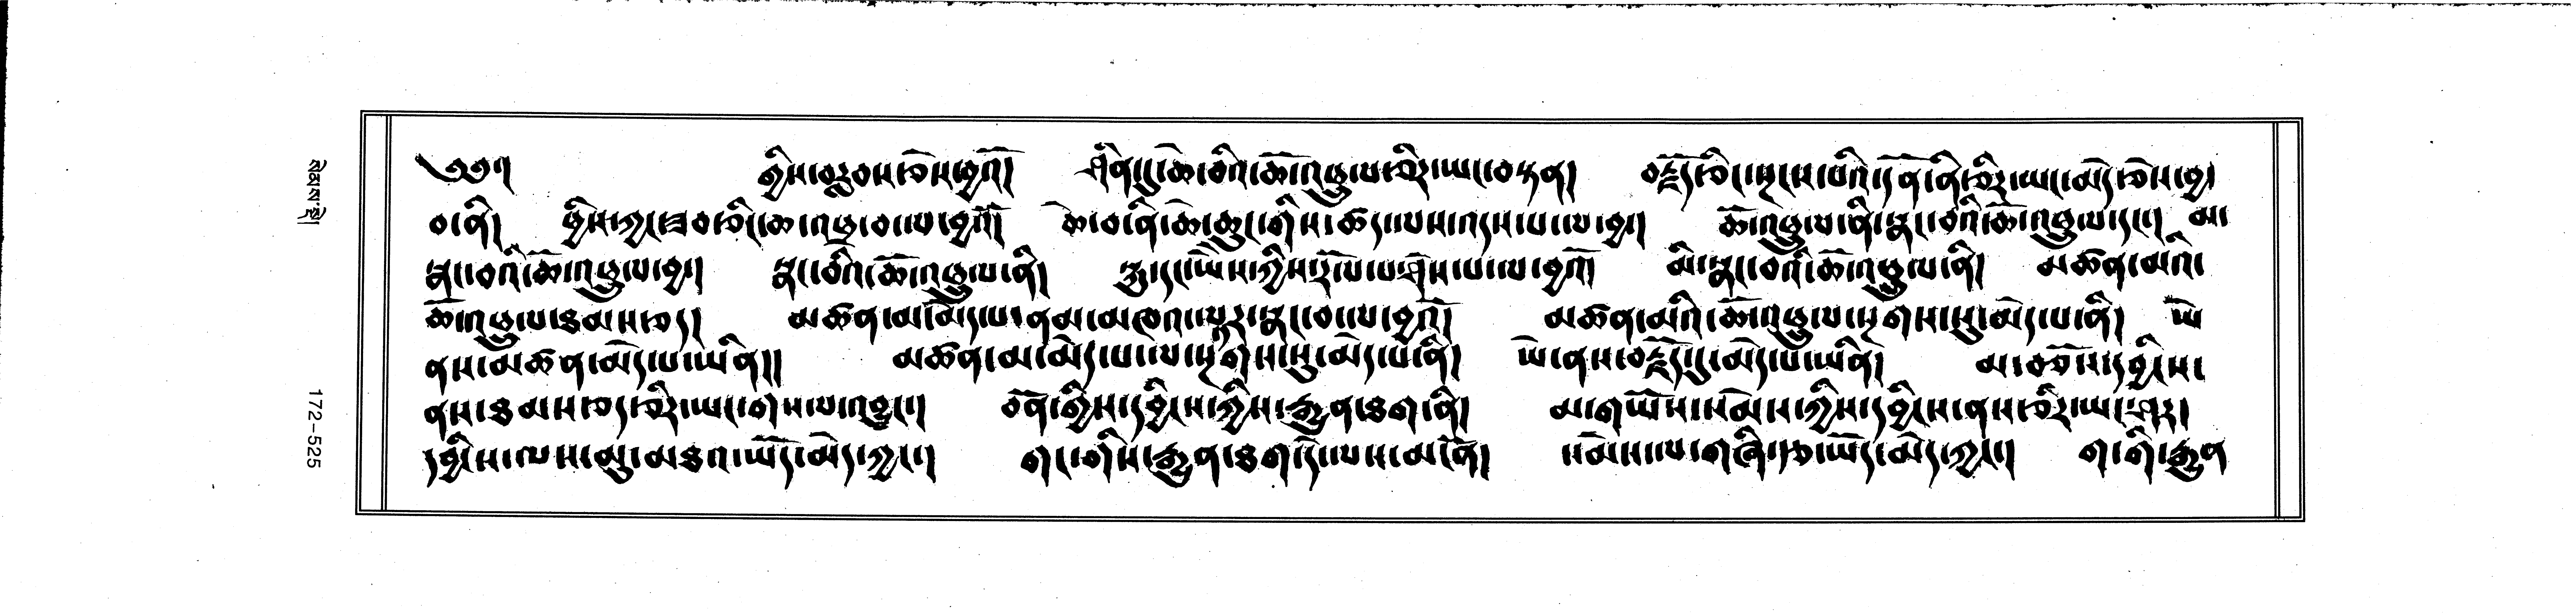གྱིས་བརླབས་ཅེས་བྱའོ། ཤིན་དུ་ཆེ་བའི་ཆོ་འཕྲུལ་ཅིར་ཡང་བསྟན། བརྗོད་ཅིང་སྔངས་པའི་དོན་ནི་ཅིར་ཡང་མེད་ཅེས་བྱ་
བ་ནི། ཕྱིས་ཀྱང་ཟབ་ཅིང་ཆ་འཕྲ་བ་ལ་བྱའོ། ཆེ་བ་ནི་ཆེ་ཆུང་གིས་ཚད་ལས་འདས་པ་ལ་བྱ། ཆོ་འཕྲུལ་ནི་སྣང་བའི་ཆོ་འཕྲུལ་དང་། མ་
སྣང་བའི་ཆོ་འཕྲུལ་བྱ། སྣང་བའི་ཆོ་འཕྲུལ་ནི། སྐུ་དང་ཡེ་ཤེས་ཀྱིས་རོལ་པ་ཤེས་པ་ལ་བྱའོ། མི་སྣང་བའི་ཆོ་འཕྲུལ་ནི། མཚན་མའི་
ཆོ་འཕྲུལ་ཐམས་ཅད། མཚན་མ་མེད་པ་ནམ་མཁའ་ལྟར་སྣང་བ་ལ་བྱའོ། མཚན་མའི་ཆོ་འཕྲུལ་སྔགས་སུ་མེད་པ་ནི། ཡེ་
ནས་མཚན་མེད་པ་ཡིན། མཚན་མ་མེད་པ་ལ་སྔགས་སུ་མེད་པ་ནི། ཡེ་ནས་བརྗོད་དུ་མེད་པ་ཡིན། མ་བཅོས་དབྱིངས་
ནས་ཐམས་ཅད་ཅིར་ཡང་གསལ་འབྱུང་། བོན་གྱིས་དབྱིངས་ཀྱིས་རྒྱུན་ཐག་ནི། མ་གཡོས་སེམས་ཀྱིས་དབྱིངས་ནས་ཅིར་ཡང་ཤར། 
དབྱིངས་ལས་མུ་མཐའ་ཡོད་མེད་ཀྱང་། གང་གིས་རྒྱུན་ཐག་དེ་ལས་མངོན། སེམས་ལ་གཞི་རྩ་ཡོད་མེད་ཀྱང་། ག་གི་རྒྱུན་